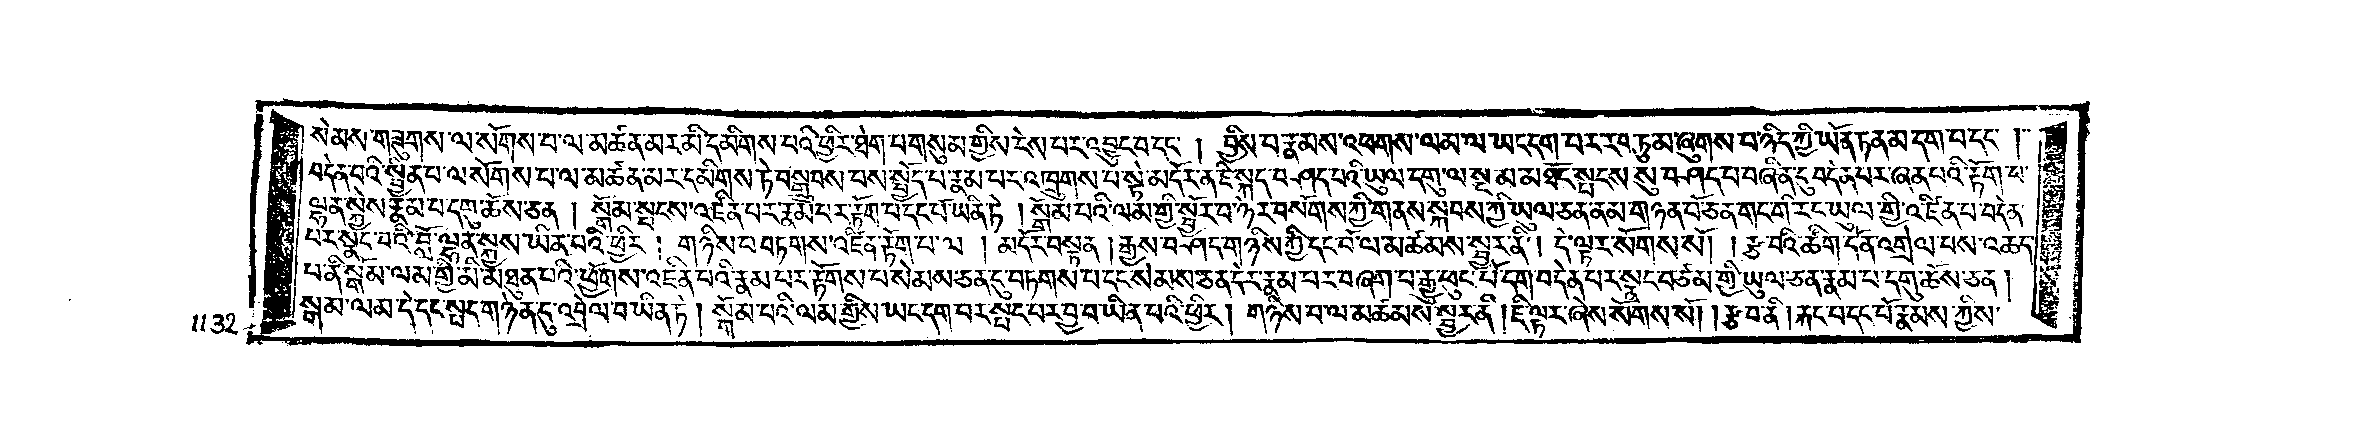སེམས་གཟུགས་ལ་སོགས་པ་ལ་མཚན་མར་མི་དམིགས་པའི་ཕྱིར་ཐེག་པ་གསུམ་གྱིས་ངེས་པར་འབྱུང་བ་དང་། བྱིས་པ་རྣམས་འཕགས་ལམ་ལ་ཡང་དག་པར་རབ་ཏུ་མ་ཞུགས་པ་ཉིད་ཀྱི་ཡོན་ཏན་མ་དག་པ་དང་།
བདེན་པའི་སྦྱིན་པ་ལ་སོགས་པ་ལ་མཚན་མར་དམིགས་ཏེ་བསྒྲུབས་པས་སྤྱོད་པ་རྣམ་པར་འཁྲུགས་པ་སྟེ་མདོར་ན་ཇི་སྐད་བཤད་པའི་ཡུལ་དགུ་ལ་སྔ་མ་མཐོང་སྤངས་སུ་བཤད་པ་བཞིན་དུ་བདེན་པར་ཞན་པའི་རྟོག་པ་
ལྷན་སྐྱེས་རྣམ་པ་དགུ་ཆོས་ཅན། སྒོམ་སྤངས་འཛིན་པར་རྣམ་པར་རྟོག་པ་དང་པོ་ཡིན་ཏེ། སྒོམ་པའི་ལམ་གྱི་སྦྱོར་བ་ཉེར་བ་སོགས་ཀྱི་གནས་སྐབས་ཀྱི་ཡུལ་ཅན་ནམ་གཉེན་པོ་ཅན་གང་གི་རང་ཡུལ་གྱི་འཛིན་པ་བདེན་
པར་སྣང་བའི་བློ་ལྷན་སྐྱེས་ཡིན་པའི་ཕྱིར། གཉིས་པ་བཏགས་འཛིན་རྟོག་པ་ལ། མདོར་བསྟན། རྒྱས་བཤད་གཉིས་ཀྱི་དང་པོ་ལ་མཚམས་སྦྱར་ནི། དེ་ལྟར་སོགས་སོ། །རྩ་བའི་ཚིག་དོན་འགྲེལ་པས་འཆད་
པ་ནི་སྒོམ་ལམ་གྱི་མི་མཐུན་པའི་ཕྱོགས་འཛིན་པའི་རྣམ་པར་རྟོགས་པ་སེམས་ཅན་དུ་བཏགས་པ་དང་སེམས་ཅན་དུ་བཏགས་པ་དང་སེམས་ཅན་དེར་རྣམ་པར་བཞག་པ་རྒྱུ་ཕུང་པོ་དག་བདེན་པར་སྣང་བ་ཙམ་གྱི་ཡུལ་ཅན་རྣམ་པ་དགུ་ཆོས་ཅན།
སྒོམ་ལམ་དེ་དང་སྤང་གཉེན་དུ་འབྲེལ་བ་ཡིན་ཏེ། སྒོམ་པའི་ལམ་གྱིས་ཡང་དག་པར་སྤང་པར་བྱ་བ་ཡིན་པའི་ཕྱིར། གཉིས་པ་ལ་མཚམས་སྦྱར་ནི། ཇི་ལྟར་ཞེས་སོགས་སོ། །རྩ་བ་ནི། རྐང་པ་དང་པོ་རྣམས་ཀྱིས་